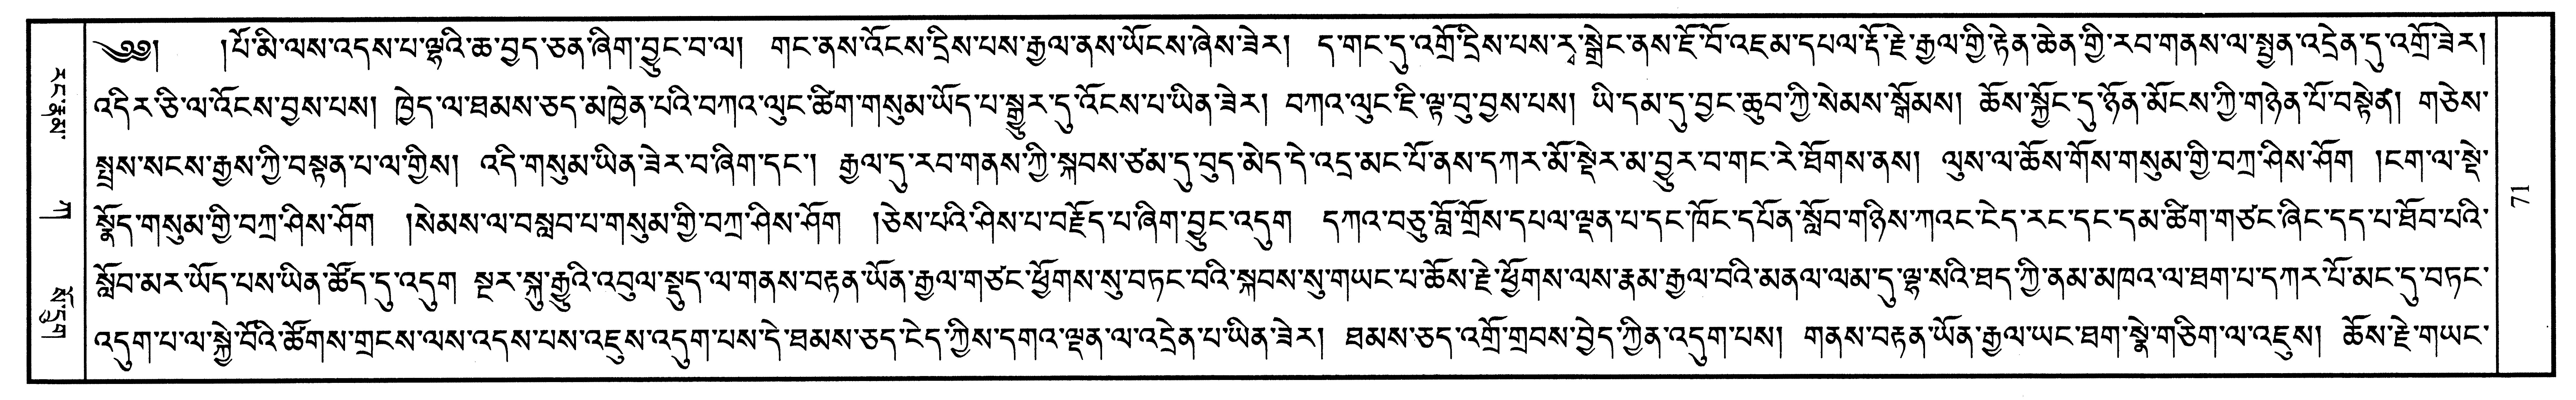༄༅། །པོ་མི་ལས་འདས་པ་ལྷའི་ཆ་བྱད་ཅན་ཞིག་བྱུང་བ་ལ། གང་ནས་འོངས་དྲིས་པས་རྒྱལ་ནས་ཡོངས་ཞེས་ཟེར། ད་གང་དུ་འགྲོ་དྲིས་པས་རྭ་སྒྲེང་ནས་ཇོ་བོ་འཇམ་དཔལ་རྡོ་རྗེ་རྒྱལ་གྱི་རྟེན་ཆེན་གྱི་རབ་གནས་ལ་སྤྱན་འདྲེན་དུ་འགྲོ་ཟེར།
འདིར་ཅི་ལ་འོངས་བྱས་པས། ཁྱེད་ལ་ཐམས་ཅད་མཁྱེན་པའི་བཀའ་ལུང་ཚིག་གསུམ་ཡོད་པ་སྒྱུར་དུ་འོངས་པ་ཡིན་ཟེར། བཀའ་ལུང་ཇི་ལྟ་བུ་བྱས་པས། ཡི་དམ་དུ་བྱང་ཆུབ་ཀྱི་སེམས་སྒོམས། ཆོས་སྐྱོང་དུ་ཉོན་མོངས་ཀྱི་གཉེན་པོ་བསྟེན། གཅེས་
སྤྲས་སངས་རྒྱས་ཀྱི་བསྟན་པ་ལ་གྱིས། འདི་གསུམ་ཡིན་ཟེར་བ་ཞིག་དང་། རྒྱལ་དུ་རབ་གནས་ཀྱི་སྐབས་ཙམ་དུ་བུད་མེད་དེ་འདྲ་མང་པོ་ནས་དཀར་མོ་སྡེར་མ་བྱུར་བ་གང་རེ་ཐོགས་ནས། ལུས་ལ་ཆོས་གོས་གསུམ་གྱི་བཀྲ་ཤིས་ཤོག །ངག་ལ་སྡེ་
སྣོད་གསུམ་གྱི་བཀྲ་ཤིས་ཤོག །སེམས་ལ་བསླབ་པ་གསུམ་གྱི་བཀྲ་ཤིས་ཤོག །ཅེས་པའི་ཤིས་པ་བརྗོད་པ་ཞིག་བྱུང་འདུག་དཀའ་བཅུ་བློ་གྲོས་དཔལ་ལྡན་པ་དང་ཁོང་དཔོན་སློབ་གཉིས་ཀའང་ངེད་རང་དང་དམ་ཚིག་གཙང་ཞིང་དད་པ་ཐོབ་པའི་
སློབ་མར་ཡོད་པས་ཡིན་ཚོད་དུ་འདུག་སྔར་སྐུ་རྒྱུའི་འབུལ་སྡུད་ལ་གནས་བརྟན་ཡོན་རྒྱལ་གཙང་ཕྱོགས་སུ་བཏང་བའི་སྐབས་སུ་གཡང་བ་ཆོས་རྗེ་ཕྱོགས་ལས་རྣམ་རྒྱལ་བའི་མནལ་ལམ་དུ་ལྷ་སའི་ཐད་ཀྱི་ནམ་མཁའ་ལ་ཐག་པ་དཀར་པོ་མང་དུ་བཏང་
འདུག་པ་ལ་སྐྱེ་བོའི་ཚོགས་གྲངས་ལས་འདས་པས་འཇུས་འདུག་པས་དེ་ཐམས་ཅད་ངེད་ཀྱིས་དགའ་ལྡན་ལ་འདྲེན་པ་ཡིན་ཟེར། ཐམས་ཅད་འགྲོ་གྲབས་བྱེད་ཀྱིན་འདུག་པས། གནས་བརྟན་ཡོན་རྒྱལ་ཡང་ཐག་སྣེ་གཅིག་ལ་འཇུས། ཆོས་རྗེ་གཡང་